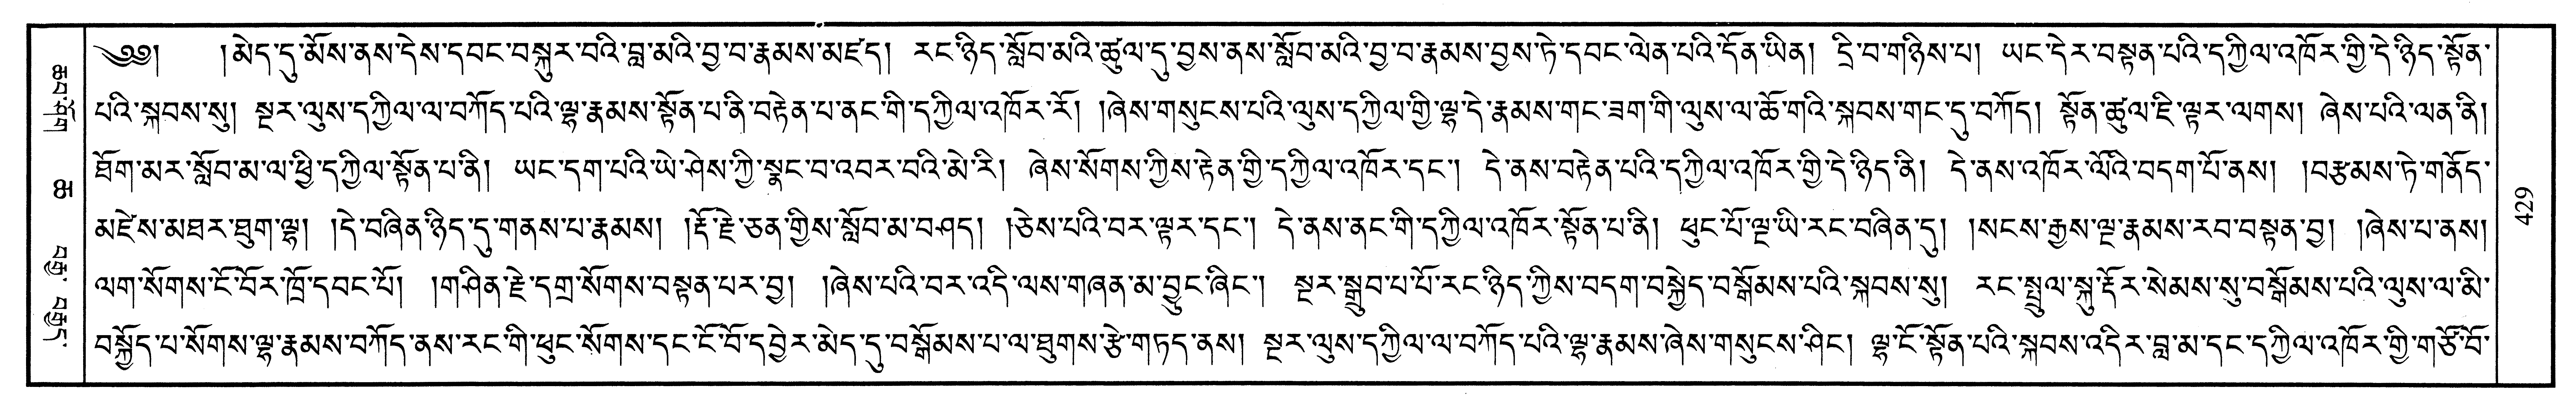༄༅། །མེད་དུ་མོས་ནས་དེས་དབང་བསྐུར་བའི་བླ་མའི་བྱ་བ་རྣམས་མཛད། རང་ཉིད་སློབ་མའི་ཚུལ་དུ་བྱས་ནས་སློབ་མའི་བྱ་བ་རྣམས་བྱས་ཏེ་དབང་ལེན་པའི་དོན་ཡིན། དྲི་བ་གཉིས་པ། ཡང་དེར་བསྟན་པའི་དཀྱིལ་འཁོར་གྱི་དེ་ཉིད་སྟོན་
པའི་སྐབས་སུ། སྔར་ལུས་དཀྱིལ་ལ་བཀོད་པའི་ལྷ་རྣམས་སྟོན་པ་ནི་བརྟེན་པ་ནང་གི་དཀྱིལ་འཁོར་རོ། །ཞེས་གསུངས་པའི་ལུས་དཀྱིལ་གྱི་ལྷ་དེ་རྣམས་གང་ཟག་གི་ལུས་ལ་ཆོ་གའི་སྐབས་གང་དུ་བཀོད། སྟོན་ཚུལ་ཇི་ལྟར་ལགས། ཞེས་པའི་ལན་ནི།
ཐོག་མར་སློབ་མ་ལ་ཕྱི་དཀྱིལ་སྟོན་པ་ནི། ཡང་དག་པའི་ཡེ་ཤེས་ཀྱི་སྣང་བ་འབར་བའི་མེ་རི། ཞེས་སོགས་ཀྱིས་རྟེན་གྱི་དཀྱིལ་འཁོར་དང་། དེ་ནས་བརྟེན་པའི་དཀྱིལ་འཁོར་གྱི་དེ་ཉིད་ནི། དེ་ནས་འཁོར་ལོའི་བདག་པོ་ནས། །བརྩམས་ཏེ་གནོད་
མཛེས་མཐར་ཐུག་ལྷ། །དེ་བཞིན་ཉིད་དུ་གནས་པ་རྣམས། །རྡོ་རྗེ་ཅན་གྱིས་སློབ་མ་བཤད། །ཅེས་པའི་བར་ལྟར་དང་། དེ་ནས་ནང་གི་དཀྱིལ་འཁོར་སྟོན་པ་ནི། ཕུང་པོ་ལྔ་ཡི་རང་བཞིན་དུ། །སངས་རྒྱས་ལྔ་རྣམས་རབ་བསྟན་བྱ། །ཞེས་པ་ནས།
ལག་སོགས་ངོ་བོར་ཁྲོ་དབང་པོ། །གཤིན་རྗེ་དགྲ་སོགས་བསྟན་པར་བྱ། །ཞེས་པའི་བར་འདི་ལས་གཞན་མ་བྱུང་ཞིང་། སྔར་སྒྲུབ་པ་པོ་རང་ཉིད་ཀྱིས་བདག་བསྐྱེད་བསྒོམས་པའི་སྐབས་སུ། རང་སྤྲུལ་སྐུ་རྡོར་སེམས་སུ་བསྒོམས་པའི་ལུས་ལ་མི་
བསྐྱོད་པ་སོགས་ལྷ་རྣམས་བཀོད་ནས་རང་གི་ཕུང་སོགས་དང་ངོ་བོ་དབྱེར་མེད་དུ་བསྒོམས་པ་ལ་ཐུགས་རྩེ་གཏད་ནས། སྔར་ལུས་དཀྱིལ་ལ་བཀོད་པའི་ལྷ་རྣམས་ཞེས་གསུངས་ཤིང་། ལྷ་ངོ་སྟོན་པའི་སྐབས་འདིར་བླ་མ་དང་དཀྱིལ་འཁོར་གྱི་གཙོ་བོ་